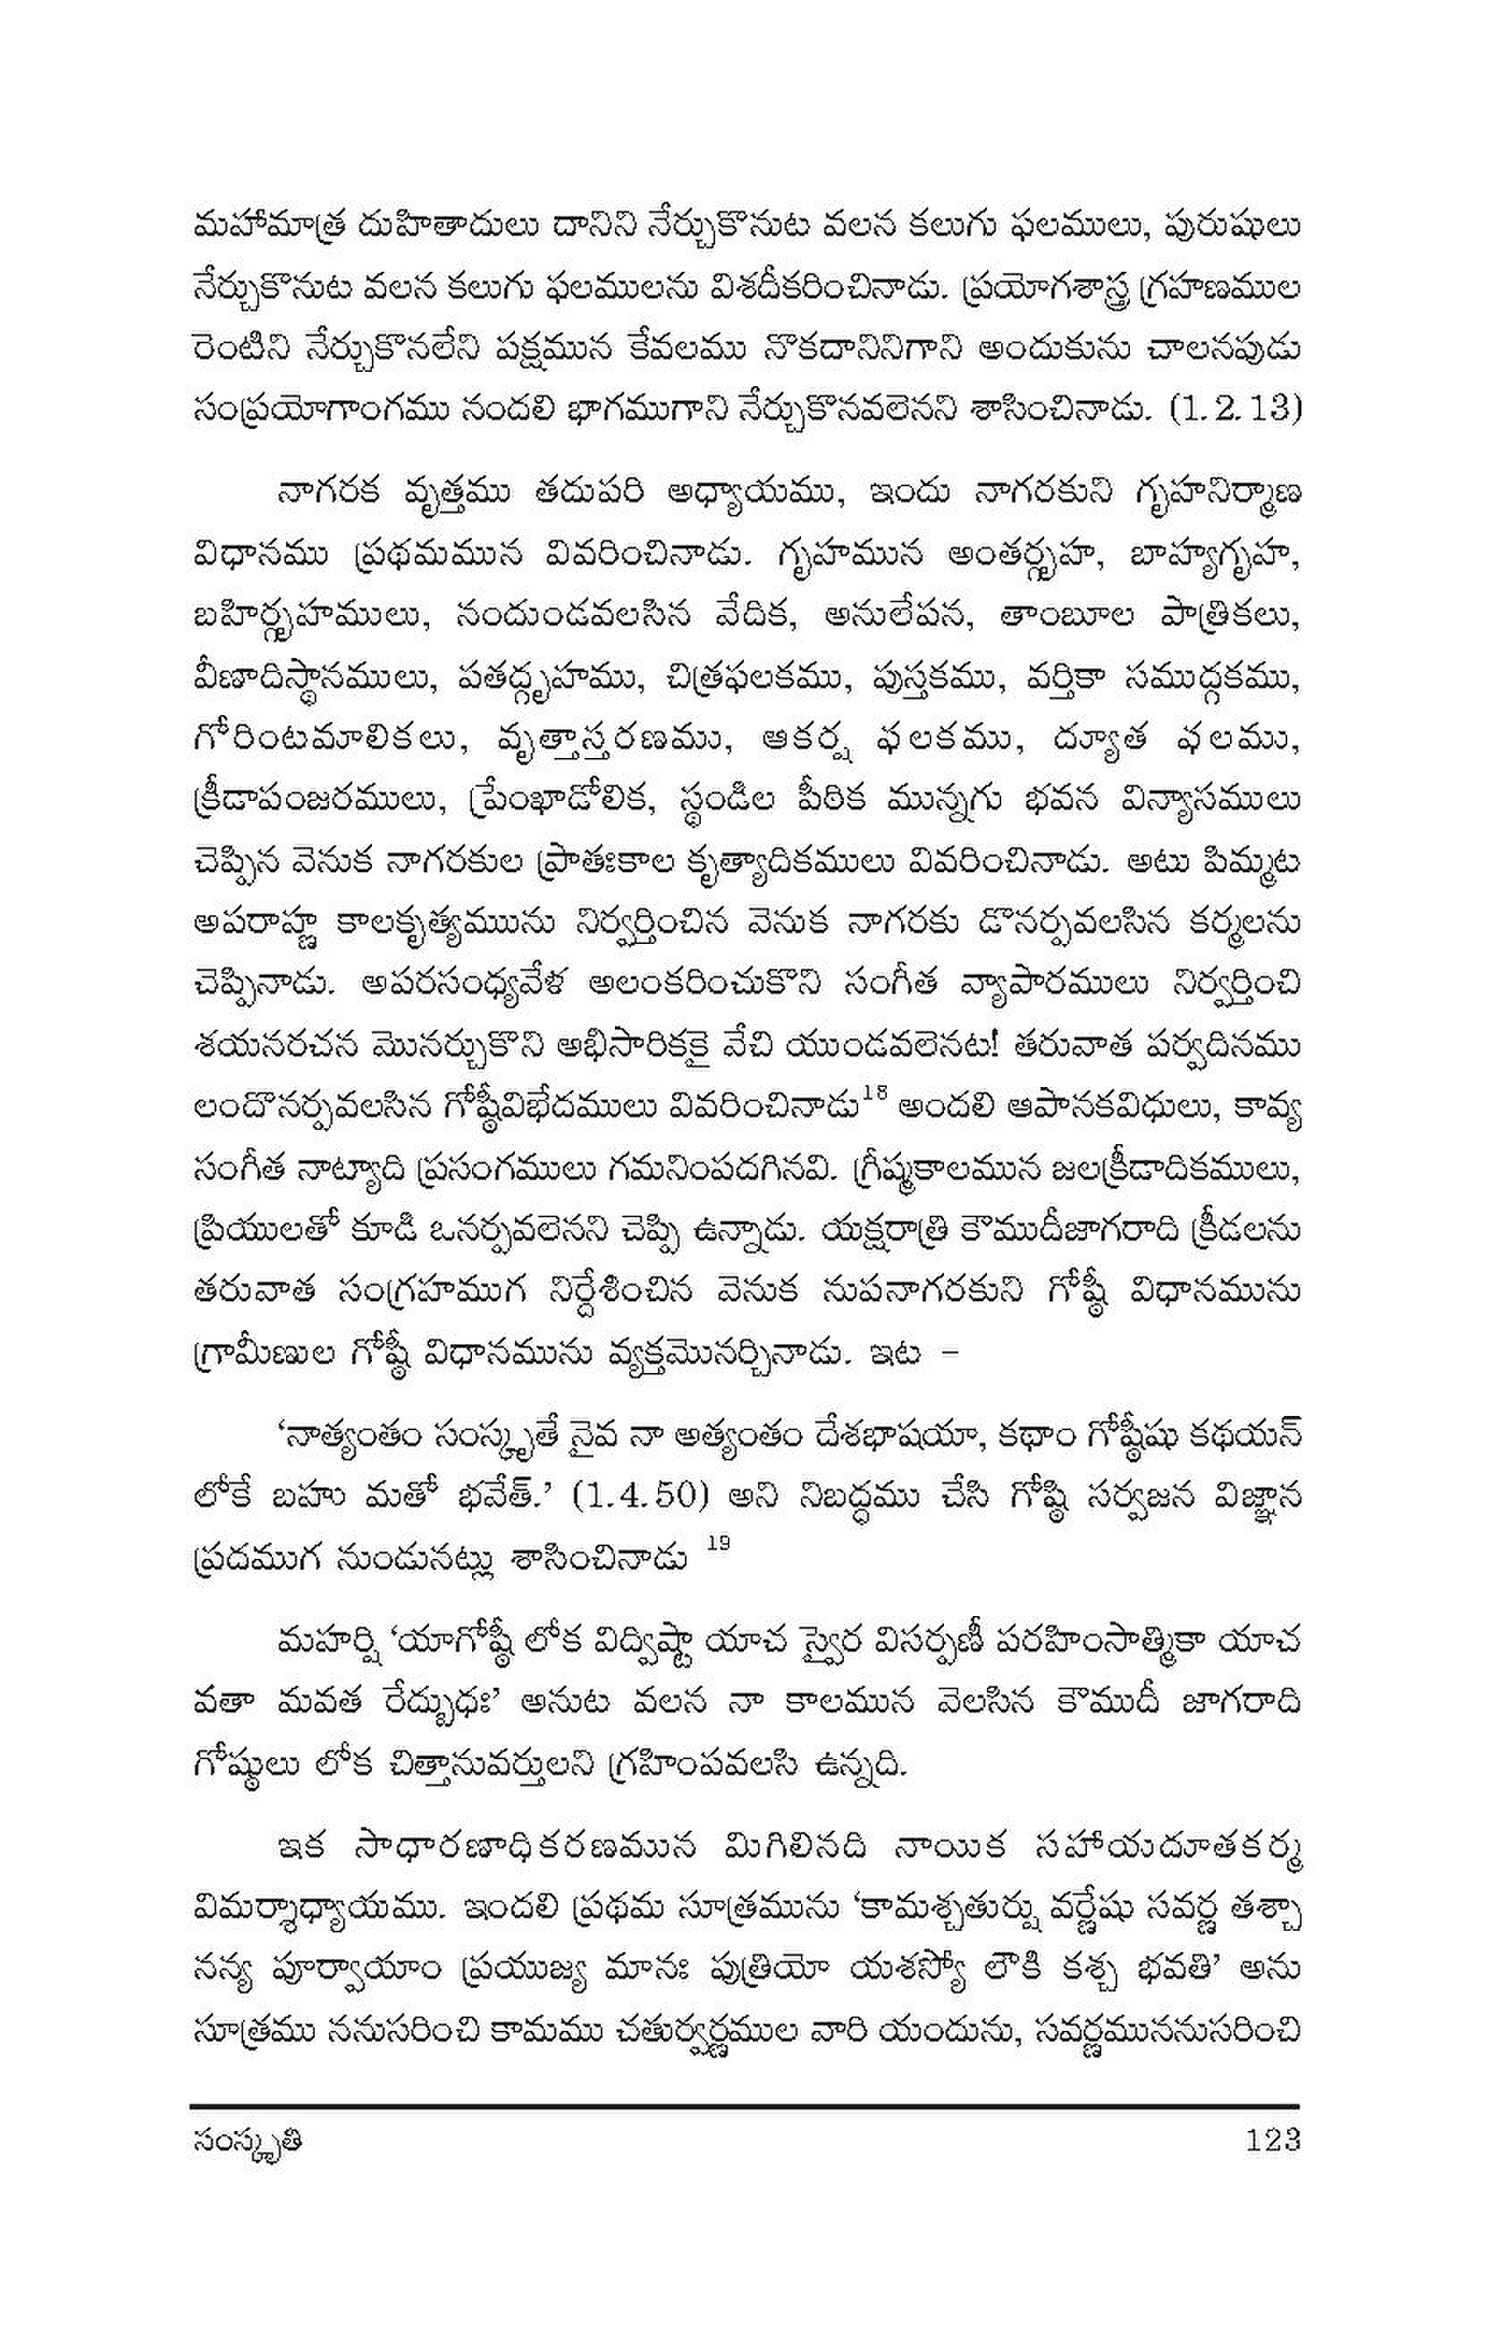మహామాత్ర దుహితాదులు దానిని నేర్చుకొనుట వలన కలుగు ఫలములు, పురుషులు
నేర్చుకొనుట వలన కలుగు ఫలములను విశదీకరించినాడు. ప్రయోగశాస్త్ర గ్రహణముల
రెంటిని నేర్చుకొనలేని పక్షమున కేవలము నొకదానినిగాని అందుకును చాలనపుడు
సంప్రయోగాంగము నందలి భాగముగాని నేర్చుకొనవలెనని శాసించినాడు. (1.2.13)

నాగరక వృత్తము తదుపరి అధ్యాయము, ఇందు నాగరకుని గృహనిర్మాణ
విధానము ప్రథమమున వివరించినాడు. గృహమున అంతర్గృహ, బాహ్యగృహ,
బహిర్గృహములు, నందుండవలసిన వేదిక, అనులేపన, తాంబూల పాత్రికలు,
వీణాదిస్థానములు, పతద్గృహము, చిత్రఫలకము, పుస్తకము, వర్తికా సముద్గకము,
గోరింటమాలికలు, వృత్తాస్తరణము, ఆకర్ష ఫలకము, ద్యూత ఫలము,
క్రీడాపంజరములు, ప్రేంఖాడోలిక, స్థండిల పీఠిక మున్నగు భవన విన్యాసములు
చెప్పిన వెనుక నాగరకుల ప్రాతఃకాల కృత్యాదికములు వివరించినాడు. అటు పిమ్మట
అపరాహ్ణ కాలకృత్యమును నిర్వర్తించిన వెనుక నాగరకు డొనర్పవలసిన కర్మలను
చెప్పినాడు. అపరసంధ్యవేళ అలంకరించుకొని సంగీత వ్యాపారములు నిర్వర్తించి
శయనరచన మొనర్చుకొని అభిసారికకై వేచి యుండవలెనట! తరువాత పర్వదినము
లందొనర్పవలసిన గోష్ఠీవిభేదములు వివరించినాడు" అందలి ఆపానకవిధులు, కావ్య
సంగీత నాట్యాది ప్రసంగములు గమనింపదగినవి. గ్రీష్మకాలమున జలక్రీడాదికములు,
ప్రియులతో కూడి ఒనర్పవలెనని చెప్పి ఉన్నాడు. యక్షరాత్రి కౌముదీజాగరాది క్రీడలను
తరువాత సంగ్రహముగ నిర్దేశించిన వెనుక నుపనాగరకుని గోష్ఠీ విధానమును
గ్రామీణుల గోష్ఠీ విధానమును వ్యక్తమొనర్చినాడు. ఇట -

'నాత్యంతం సంస్కృతే నైవ నా అత్యంతం దేశభాషయా, కథాం గోష్ఠీషు కథయన్
లోకే బహు మతో భవేత్.' (1.4.50) అని నిబద్ధము చేసి గోష్ఠి సర్వజన విజ్ఞాన
ప్రదముగ నుండునట్లు శాసించినాడు 

మహర్షి ‘యాగోష్ఠీ లోక విద్విష్టా యాచ స్వైర విసర్పణీ పరహింసాత్మికా యాచ
వతా మవత రేద్భుధః' అనుట వలన నా కాలమున వెలసిన కౌముదీ జాగరాది
గోష్ఠులు లోక చిత్తానువర్తులని గ్రహింపవలసి ఉన్నది.

ఇక సాధారణాధికరణమున మిగిలినది నాయిక సహాయదూతకర్మ
విమర్శాధ్యాయము. ఇందలి ప్రథమ సూత్రమును 'కామశ్చతురు వర్ణేషు సవర్ణ తశ్చా
నన్య పూర్వాయం ప్రయుజ్య మానః పుత్రియో యశస్యో లౌకి కశ్చ భవతి' అను
సూత్రము ననుసరించి కామము చతుర్వర్ణముల వారి యందును, సవర్ణముననుసరించి